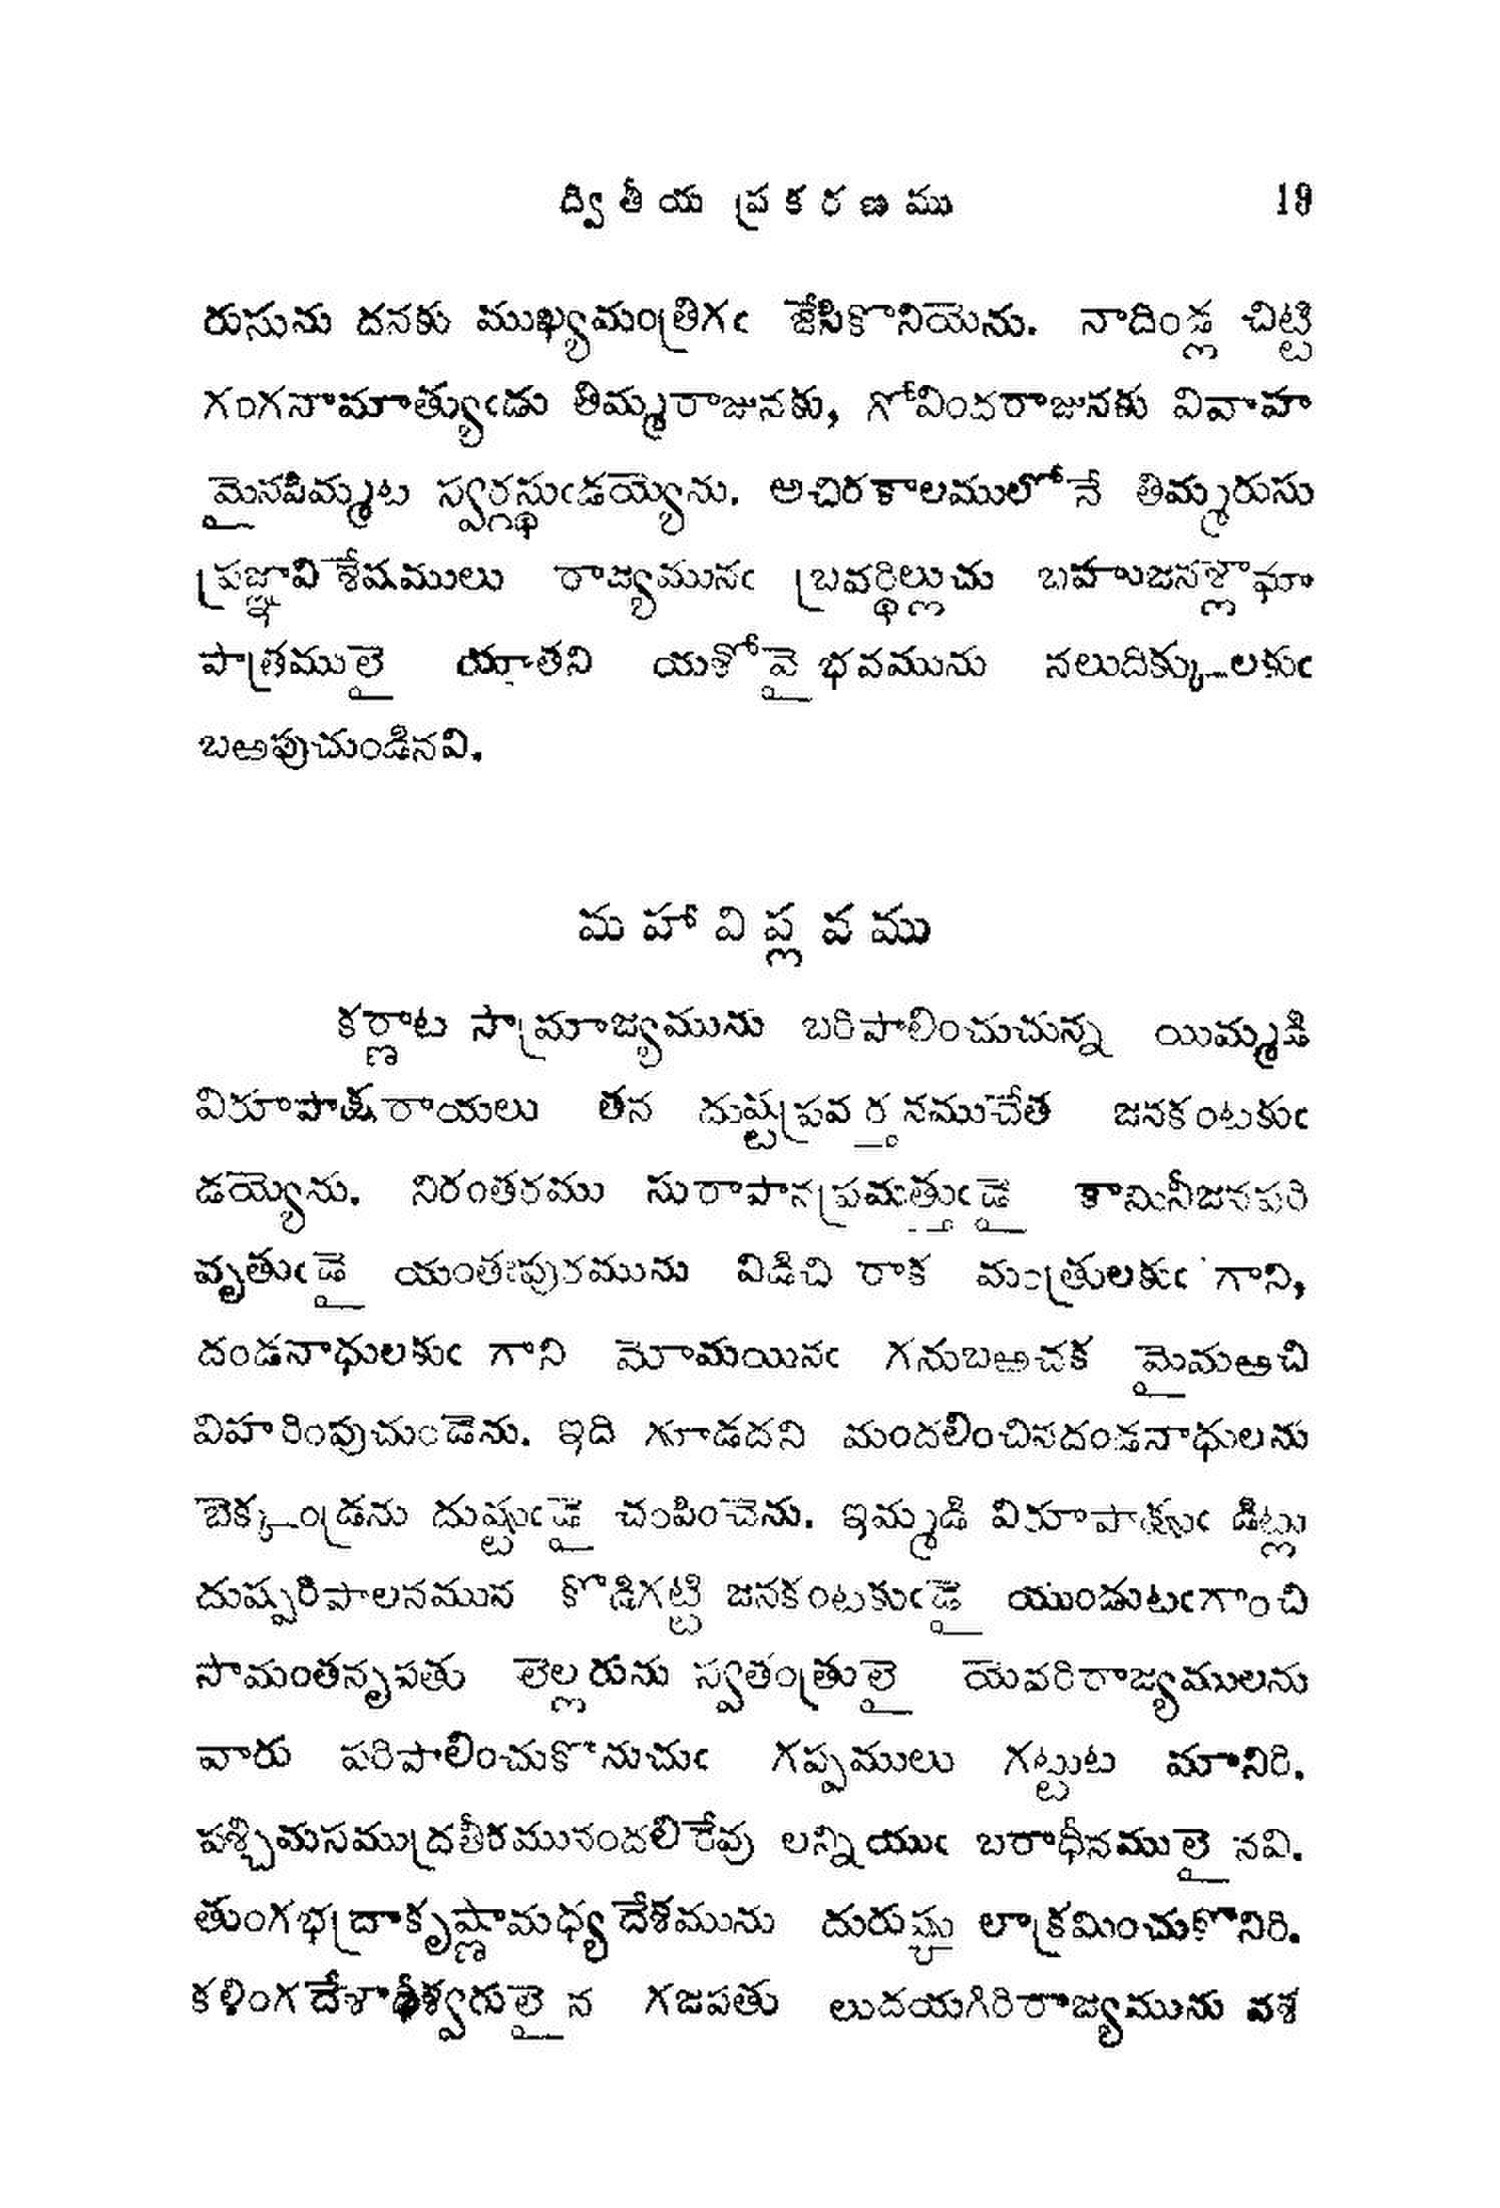రుసును దనకు ముఖ్యమంత్రిగఁ జేసికొనియెను. నాదిండ్ల చిట్టి గంగనామాత్యుఁడు తిమ్మరాజునకు, గోవిందరాజునకు వివాహమైనపిమ్మట స్వర్గస్థుఁడయ్యెను. అచిరకాలములోనే తిమ్మరుసు ప్రజ్ఞావిశేషములు రాజ్యమునఁ బ్రవర్థిల్లుచు బహుజనశ్లాఘాపాత్రములై యాతని యశోవైభవమును నలుదిక్కులకుఁ బఱపుచుండినవి.

మహావిప్లవము 

కర్ణాట సామ్రాజ్యమును బరిపాలించుచున్న యిమ్మడి విరూపాక్షరాయలు తన దుష్టప్రవర్తనముచేత జనకంటకుఁ డయ్యెను. నిరంతరము సురాపానప్రమత్తుఁడై కామినీజనపరి వృతుఁడై యంతఃపురమును విడిచి రాక మంత్రులకుఁ గాని, దండనాధులకుఁ గాని మోమయినఁ గనుబఱచక మైమఱచి విహరింపుచుండెను. ఇది గూడదని మందలించిన దండనాధులను బెక్కండ్రను దుష్టుఁడై చంపించెను. ఇమ్మడి విరూపాక్షుఁ డిట్లు దుష్పరిపాలనమున కొడిగట్టి జనకంటకుఁడై యుండుటఁగాంచి సామంతనృపతు లెల్లరును స్వతంత్రులై యెవరిరాజ్యములను వారు పరిపాలించుకొనుచుఁ గప్పములు గుట్టుట మానిరి. పశ్చిమసముద్రతీరమునందలిరేవు లన్నియుఁ బరాధీనములై నవి. తుంగభద్రాకృష్ణా మధ్యదేశమును దురుష్కు లాక్రమించుకొనిరి. కళింగదేశాధీశ్వరులైన గజపతు లుదయగిరి రాజ్యమును వశ